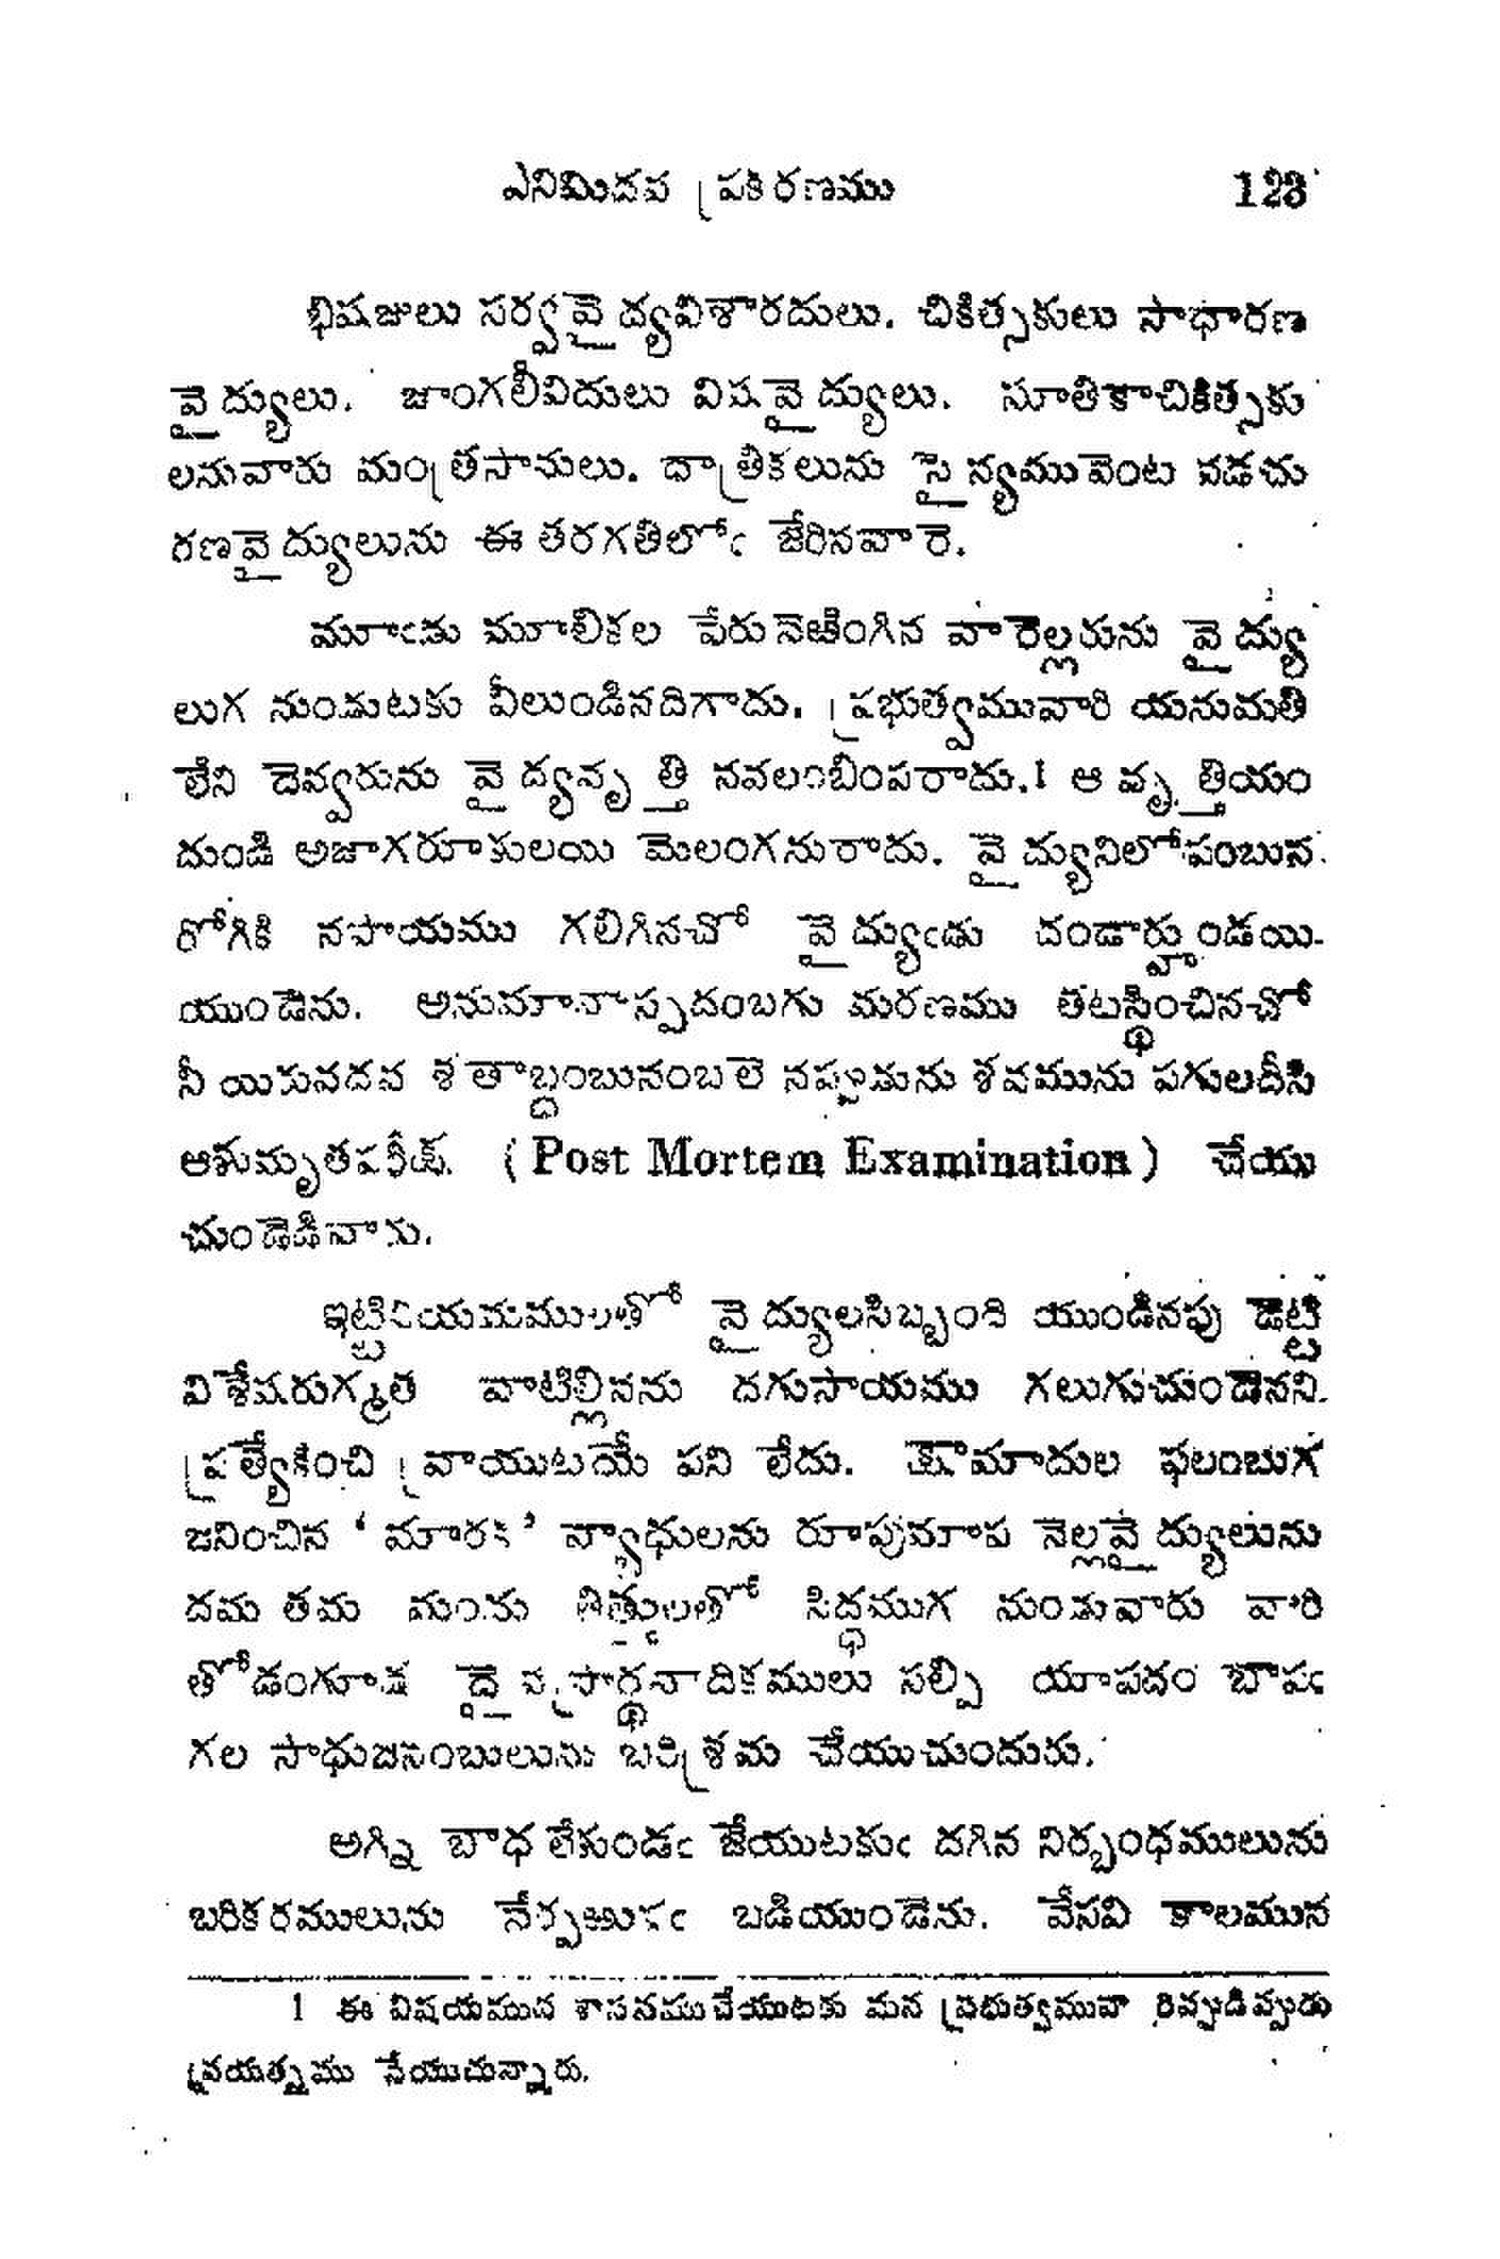భిషజులు సర్వవైద్యవిశారదులు. చికిత్సకులు సాధారణ వైద్వులు. జాంగలీవిదులు విషవైద్యులు. సూతికాచికిత్సకు లనువారు మంత్రసానులు. దాత్రికలును సైన్యమువెంట నడచు రణవైద్యులును ఈ తరగతిలోఁ జేరినవారె.

మూఁడు మూలికల పేరునెఱింగిన వారెల్లరును వైద్యులుగ నుండుటకు వీలుండినదిగాదు. ప్రభుత్వమువారి యనుమతిలేని దెవ్వరును వైద్యవృత్తి నవలంబింపరాదు.! ఆ వృత్తియందుండి అజాగరూకులయి మెలంగనురాదు. వైద్యునిలోపంబున రోగికి నపాయము గలిగినచో వైద్యుఁడు దండార్హుండయి యుండెను. అనుమానాస్పదంబగు మరణము తటస్థించినచో నీ యిరువదవ శతాబ్దంబునంబలె నప్పుడును శవమును పగులదీసి ఆశుమృతపరీక్ష, (Post Mortem Examination) చేయు చుండెడివారు.

ఇట్టినియమములతో వైద్యులసిబ్బంది యుండినపు డెట్టి విశేషరుగ్మత వాటిల్లినను దగుసాయము గలుగుచుండెనని ప్రత్యేకించి వ్రాయుటయే పని లేదు. క్షామాదుల ఫలంబుగ జనించిన 'మారక' వ్యాధులను రూపుమాప నెల్లవైద్యులును దమ తమ మందు తిత్తులతో సిద్దముగ నుండువారు వారి తోడంగూడ దైవప్రార్థనాదికములు సల్పి యాపదం బాపఁగల సాధుజనంబులును బరిశ్రమ చేయుచుందురు.

అగ్ని బాధలేకుండఁ జేయుటకుఁ దగిన నిర్బంధములును బరికరములును నేర్పఱుపఁబడియుండెను. వేసవి కాలమున